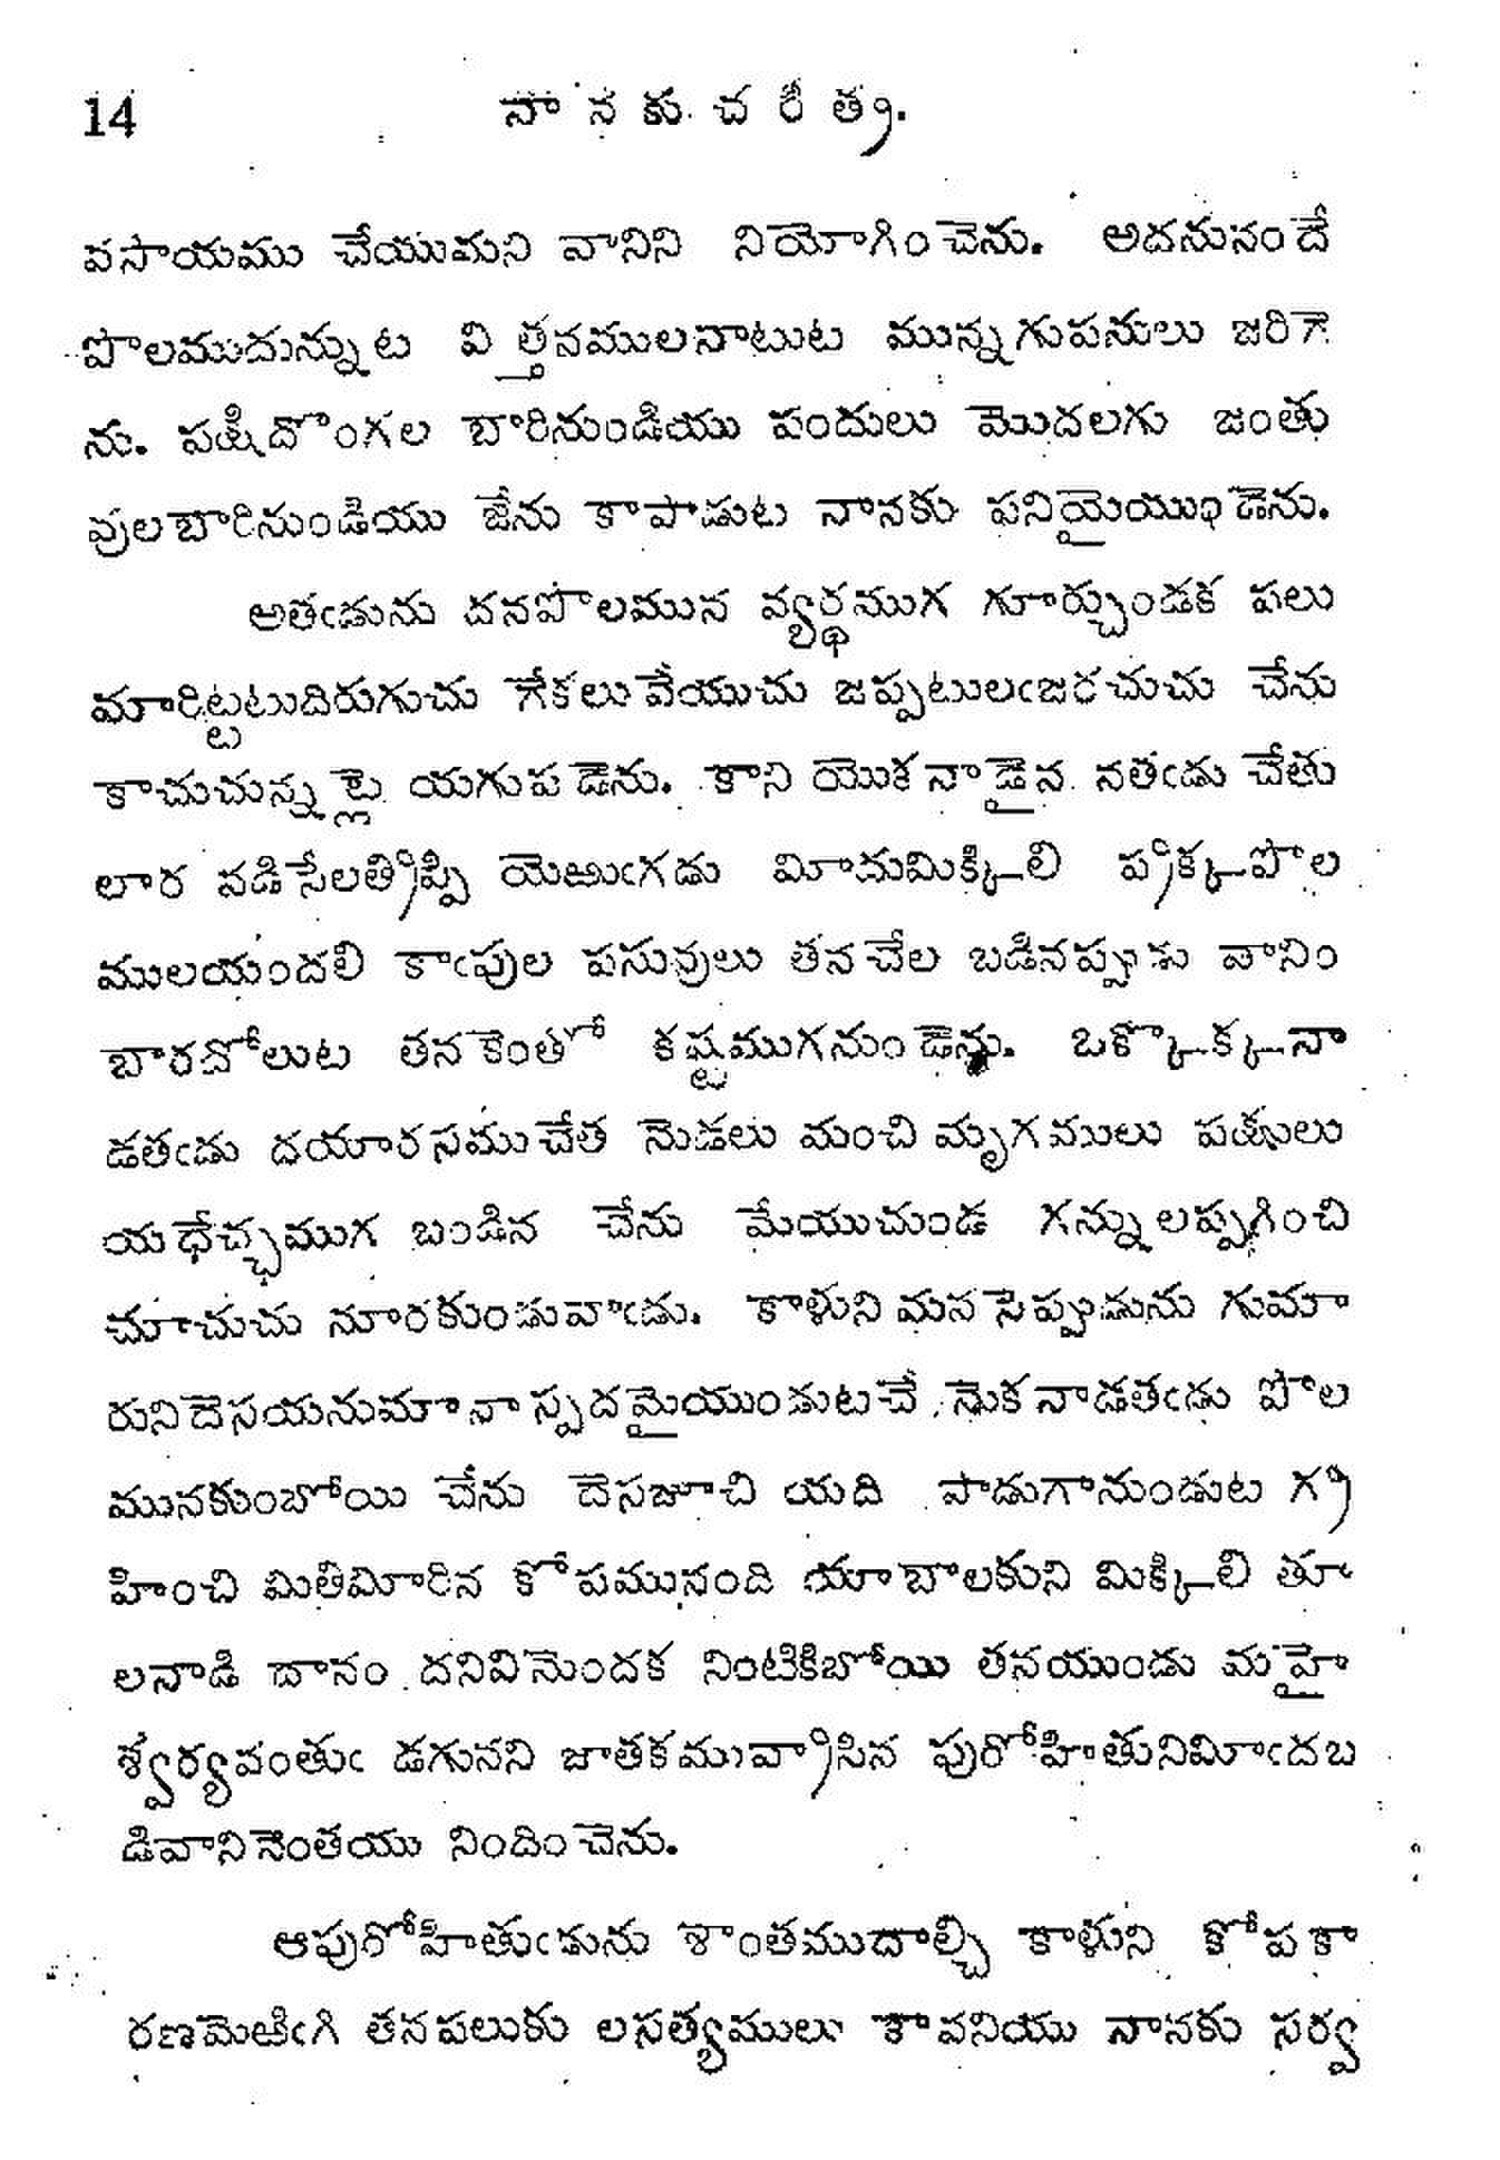వసాయము చేయుమని వానిని నియోగించెను. అదనునందే పొలముదున్నుట విత్తనములనాటుట మున్నగుపనులు జరిగెను. పక్షిదొంగల బారినుండియు పందులు మొదలగు జంతువులబారినుండియు జేను కాపాడుట నానకు పనియైయుండెను.

అతడును దనపొలమున వ్యర్థముగ గూర్చుండక పలు మారిట్టటుదిరుగుచు గేకలువేయుచు జప్పటులజరచుచు చేను కాచుచున్నట్లె యగుపడెను. కాని యొకనాడైన నతడు చేతులార వడిసేలత్రిప్పి యెఱుగడు మీదుమిక్కిలి ప్రక్కపొలములయందలి కాపుల పసువులు తనచేల బడినప్పుడు వానిం బారదోలుట తనకెంతో కష్టముగనుండెను. ఒక్కొక్కనాడతడు దయారసముచేత నొడలు మంచి మృగములు పక్షులు యధేచ్చముగ బండిన చేను మేయుచుండ గన్నులప్పగించి చూచుచు నూరకుండువాడు. కాళుని మనసెప్పుడును గుమారునిదెసయనుమానాస్పదమైయుండుటచే నొకనాడతడు పొలమునకుంబోయి చేను దెసజూచి యది పాడుగానుండుట గ్రహించి మితిమీరిన కోపమునంది యాబాలకుని మిక్కిలి తూలనాడి దానం దనివినొందక నింటికిబోయి తనయుండు మహైశ్వర్యవంతు డగునని జాతకమువ్రాసిన పురోహితునిమీదబడివానినెంతయు నిందించెను.

ఆపురోహితుడును శాంతముదాల్చి కాళుని కోపకారణమెఱిగి తనపలుకు లసత్యములు కావనియు నానకు సర్వ